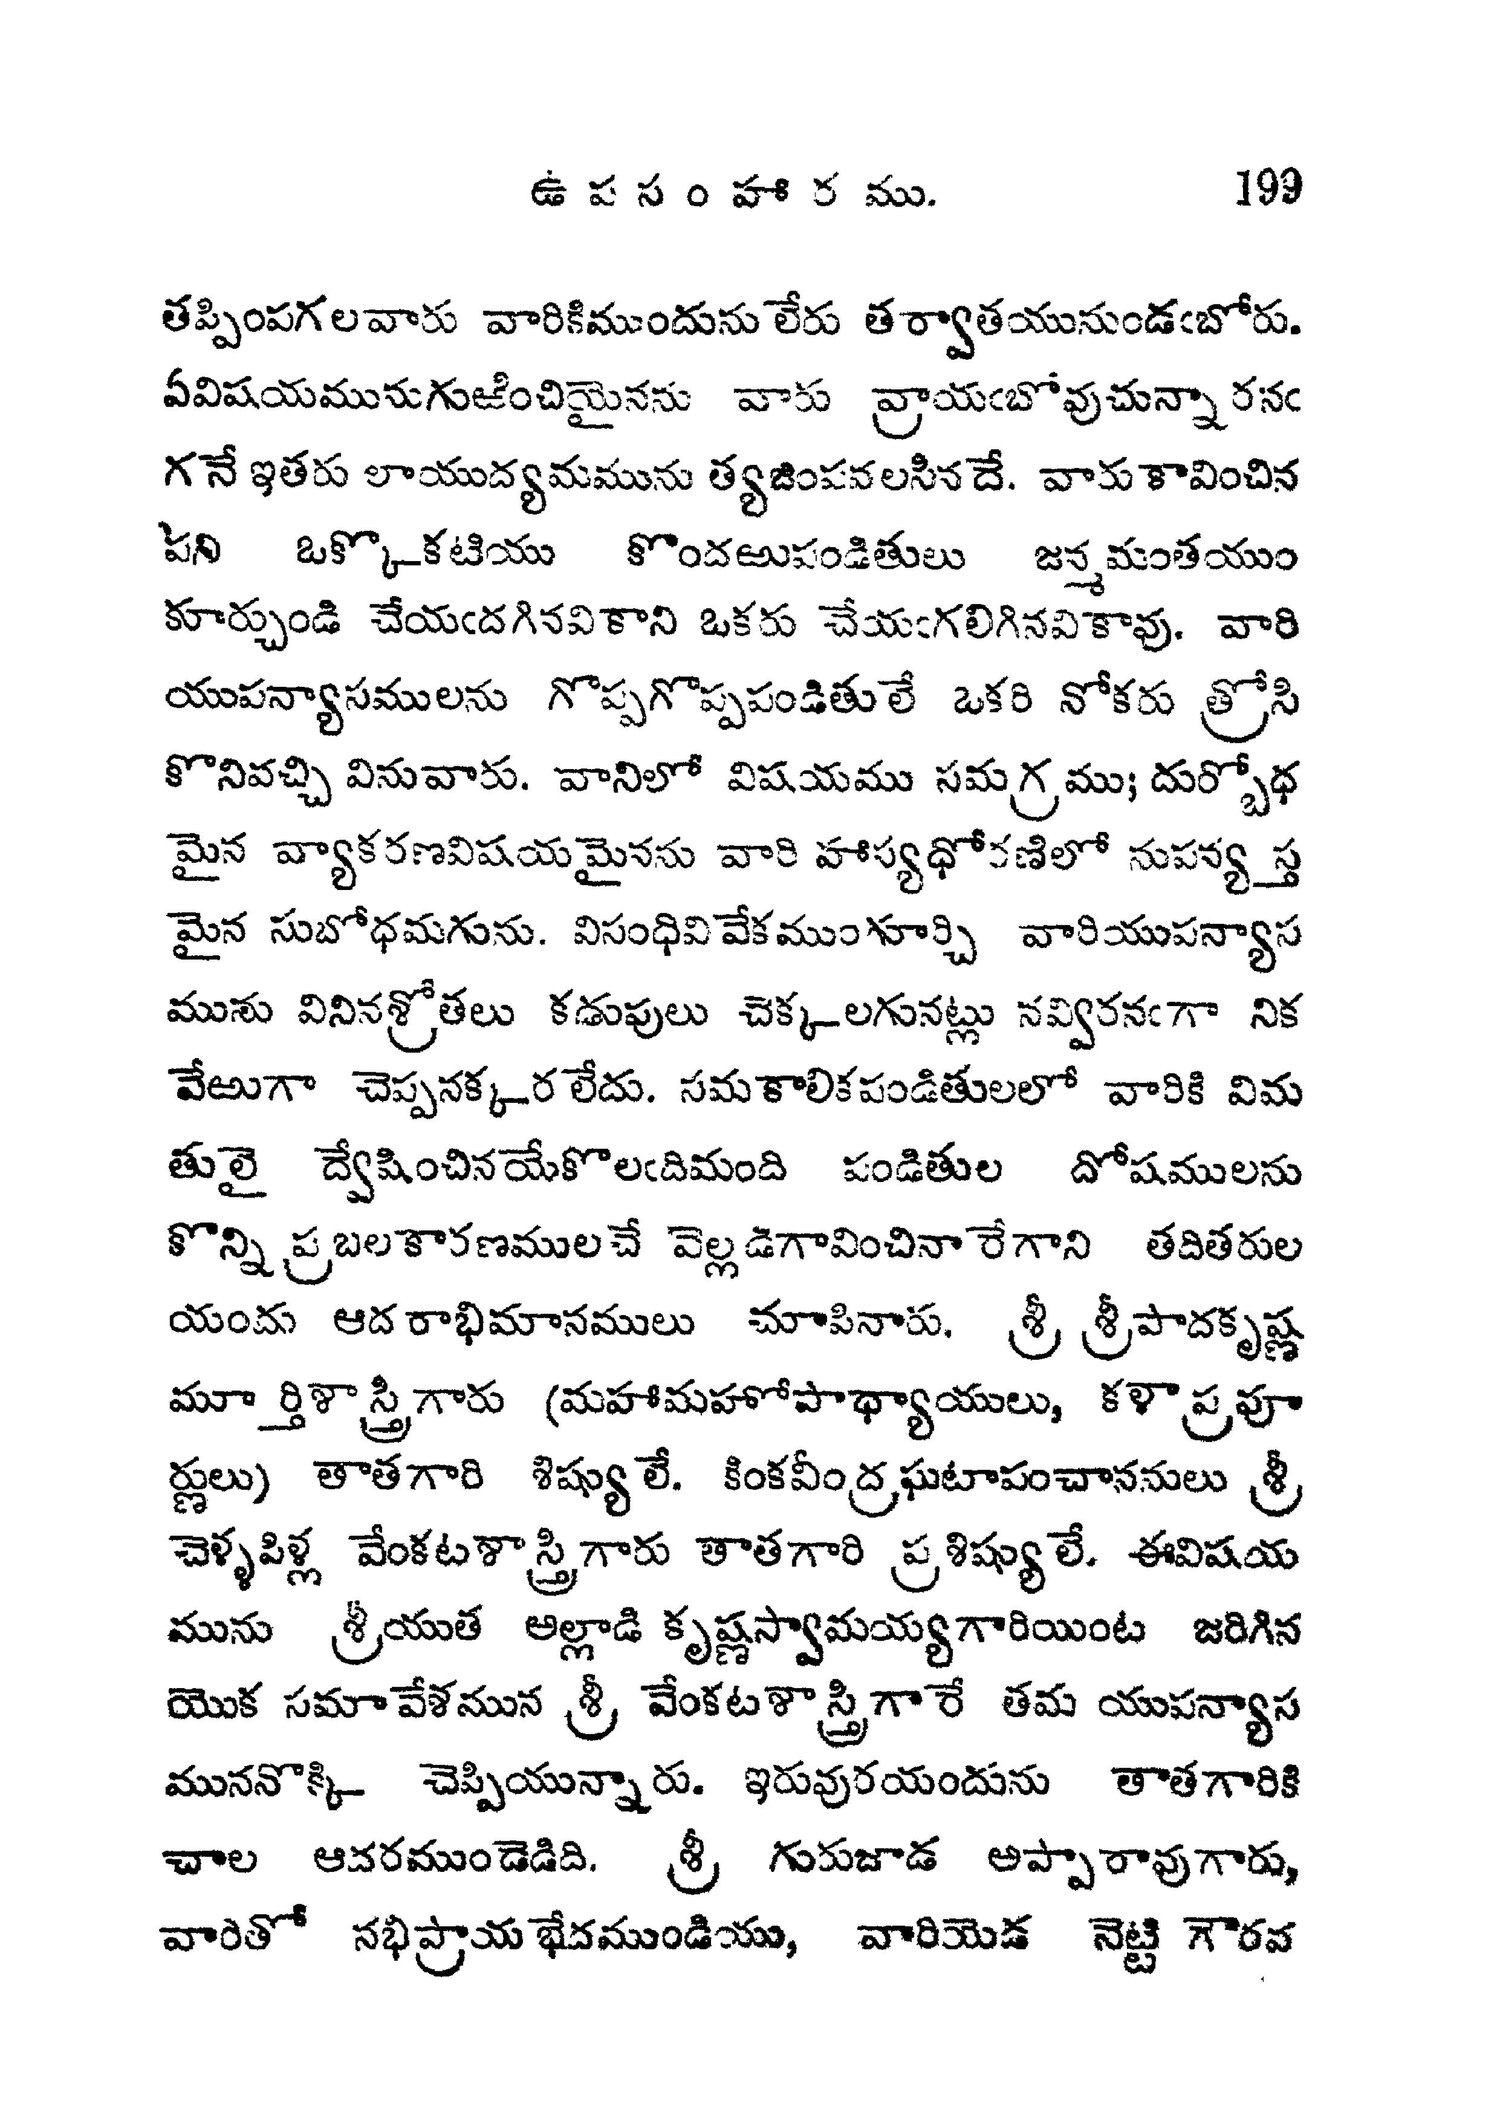తప్పింపగలవారు వారికి ముందును లేరు తర్వాతయు నుండబోరు. ఏవిషయమును గుఱించియైనను వారు వ్రాయబోవుచున్నారనగనే ఇతరు లాయుద్యమమును త్యజింపవలసినదే. వారు కావించినపని ఒక్కొకటియు కొందఱుపండితులు జన్మమంతయుంకూర్చుండి చేయదగినవి కాని ఒకరు చేయగలిగినవికావు. వారి యుపన్యాసములను గొప్పగొప్పపండితులే ఒకరి నోకరు త్రోసికొనివచ్చి వినువారు. వానిలో విషయము సమగ్రము; దుర్బోధమైన వ్యాకరణ విషయమైనను వారి హాస్యధోరణిలో నుపన్యస్తమైన సుబోధమగును. విసంధివివేకముంగూర్చి వారియుపన్యాసమును వినినశ్రోతలు కడుపులు చెక్కలగునట్లు నవ్విరనగా నికవేఱుగా చెప్పనక్కరలేదు. సమకాలికపండితులలో వారికి విమతులై ద్వేషించినయేకొలదిమంది పండితుల దోషములను కొన్నిప్రబలకారణములచే వెల్లడి గావించినారే గాని తదితరులయందు ఆదరాభిమానములు చూపినారు. శ్రీ శ్రీపాదకృష్ణమూర్తిశాస్త్రిగారు (మహామహోపాథ్యాయులు, కళాప్రపూర్ణులు) తాతగారి శిష్యులే. కింకవీంద్రఘటాపంచాననులు శ్రీ చెళ్ళపిళ్ల వేంకటశాస్త్రిగారు తాతగారి ప్రశిష్యులే. ఈవిషయమును శ్రీయుత అల్లాడి కృష్ణస్వామయ్యగారియింట జరిగిన యొక సమావేశమున శ్రీ వేంకటశాస్త్రిగారే తమ యుపన్యాసముననొక్కి చెప్పియున్నారు. ఇరువురయందును తాతగారికి చాల ఆదరముండెడిది. శ్రీ గురుజాడ అప్పారావుగారు, వారితో నభిప్రాయ భేదముండియు, వారియెడ నెట్టి గౌరవ